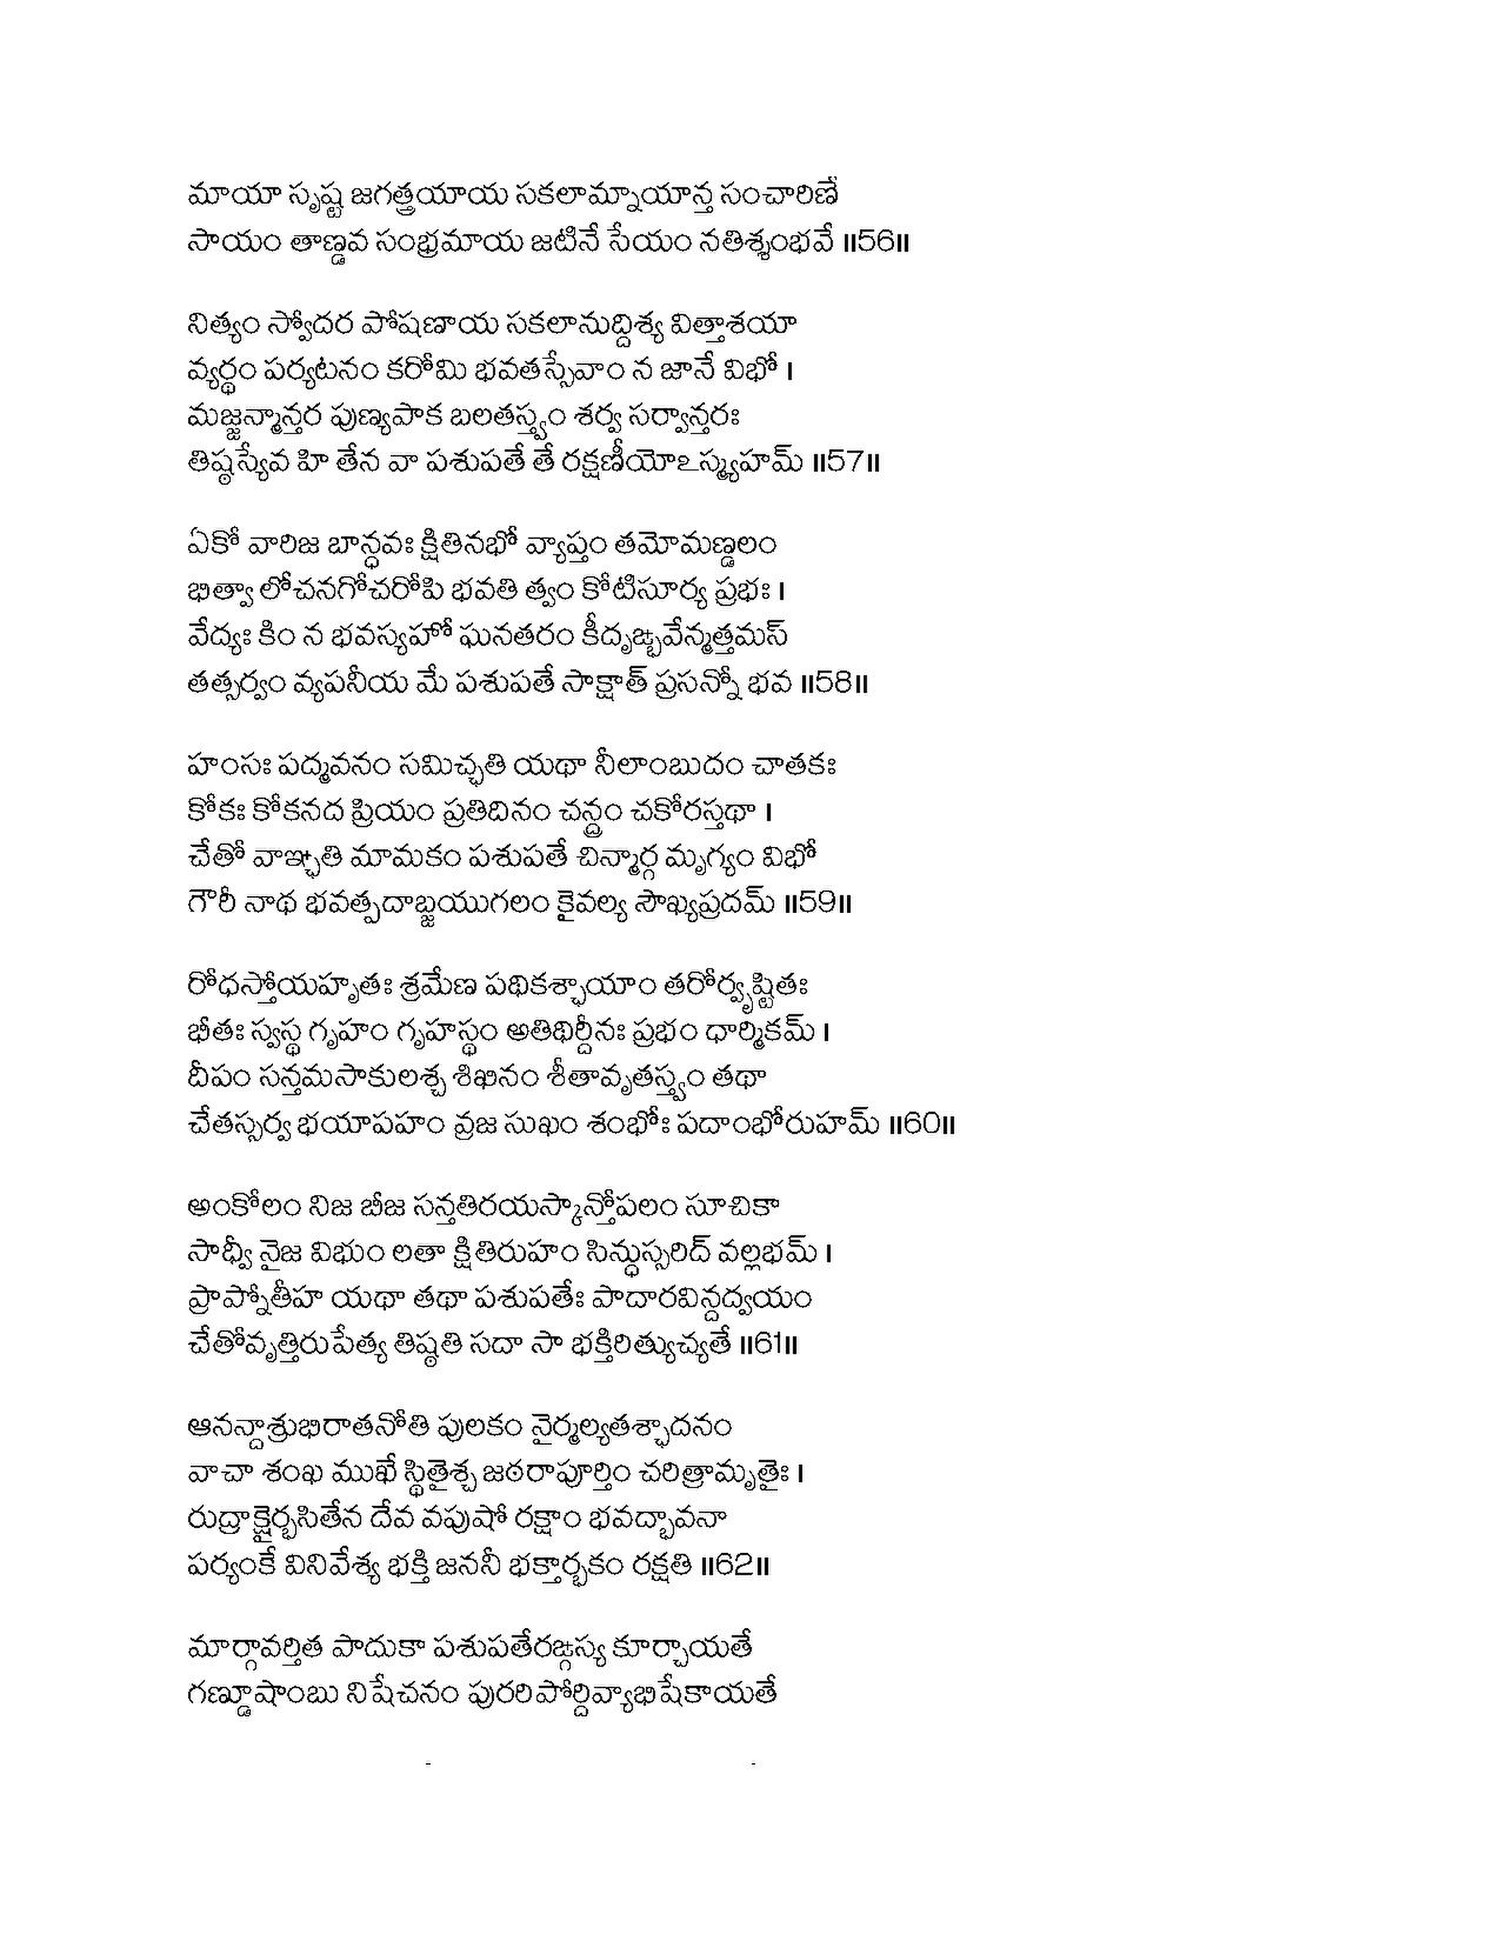మాయా సృష్ట జగత్త్రయాయ సకలామ్నాయాన సంచారిణే
సాయం తాణ్డవ సంభ్రమాయ జటినే సేయం నతిశ్శంభవే ||56||

నిత్యం స్వోదర పోషణాయ సకలానుద్దిశ్య విత్తాశయా
వ్యం పర్యటనం కరోమి భవతస్సేవాం నజానే విభో |
మజ్జన్మాన్తర పుణ్యపాక బలతస్త్వం శర్వ సర్వాన్తరః
తిష్ఠస్యేవ హి తేన వా పశుపతే తే రక్షణీయో౽స్మ్యహమ్ ||57 ||

ఏకో వారిజ బాన్ధవః క్షితినభో వ్యాప్తం తమోమణ్డలం
భిత్వాలోచనగోచరోపి భవతి త్వం కోటిసూర్య ప్రభః |
వేద్యః కిం నభవస్యహో ఘనతరం కీదృఙ్భవేన్మత్తమస్
తత్సర్వం వ్యపనీయ మే పశుపతే సాక్షాత్ ప్రసన్నో భవ ||58||

హంసః పద్మవనం సమిచ్ఛతి యథా నీలాంబుదం చాతకః
కోకః కోకనద ప్రియం ప్రతిదినం చన్ద్రం చకోరస్తథా |
చేతోవాఞ్చతి మామకం పశుపతే చిన్మార్గ మృగ్యం విభో
గౌరీ నాథ భవత్పదాబ్దయుగలం కైవల్య సౌఖ్యప్రదమ్ ||59||

రోధస్తోయహృతః శ్రమేణ పథికశ్ఛాయాం తరోర్వృష్టితః
భీతః స్వస్థ గృహం గృహస్థం అతిథిర్దీనః ప్రభం ధార్మికమ్ |
దీపం సన్తమసాకులశ్చ శిఖినం శీతావృతస్త్వం తథా
చేతస్సర్వ భయాపహం వ్రజ సుఖం శంభోః పదాంభోరుహమ్ ||60||

అంకోలం నిజ బీజ సన్తతిరయస్కాన్తోపలం సూచికా
సాధ్వీ నైజ విభుం లతా క్షితిరుహం సిన్దుస్సరిద్ వల్లభమ్ |
ప్రాప్నోతీహ యథా తథా పశుపతేః పాదారవిన్దద్వయం
చేతోవృత్తిరుపేత్య తిష్ఠతి సదా సా భక్తిరిత్యుచ్యతే ||61|| 

ఆనన్దాశ్రుభరాతనోతి పులకం నైర్మల్యతశ్ఛాదనం
వాచా శంఖ ముఖే స్థితైశ్చ జఠరాపూర్తిం చరిత్రామృతైః |
రుద్రాక్షైర్భసితేన దేవ వపుషో రక్షాం భవద్భావనా
పర్యంకే వినివేశ్య భక్తి జననీ భక్తార్భకం రక్షతి ||62 ||

మార్గావర్తిత పాదుకా పశుపతేరఙ్గస్య కూర్చాయతే
గణ్డూషాంబు నిషేచనం పురరిపోర్దివ్యాభిషేకాయతే